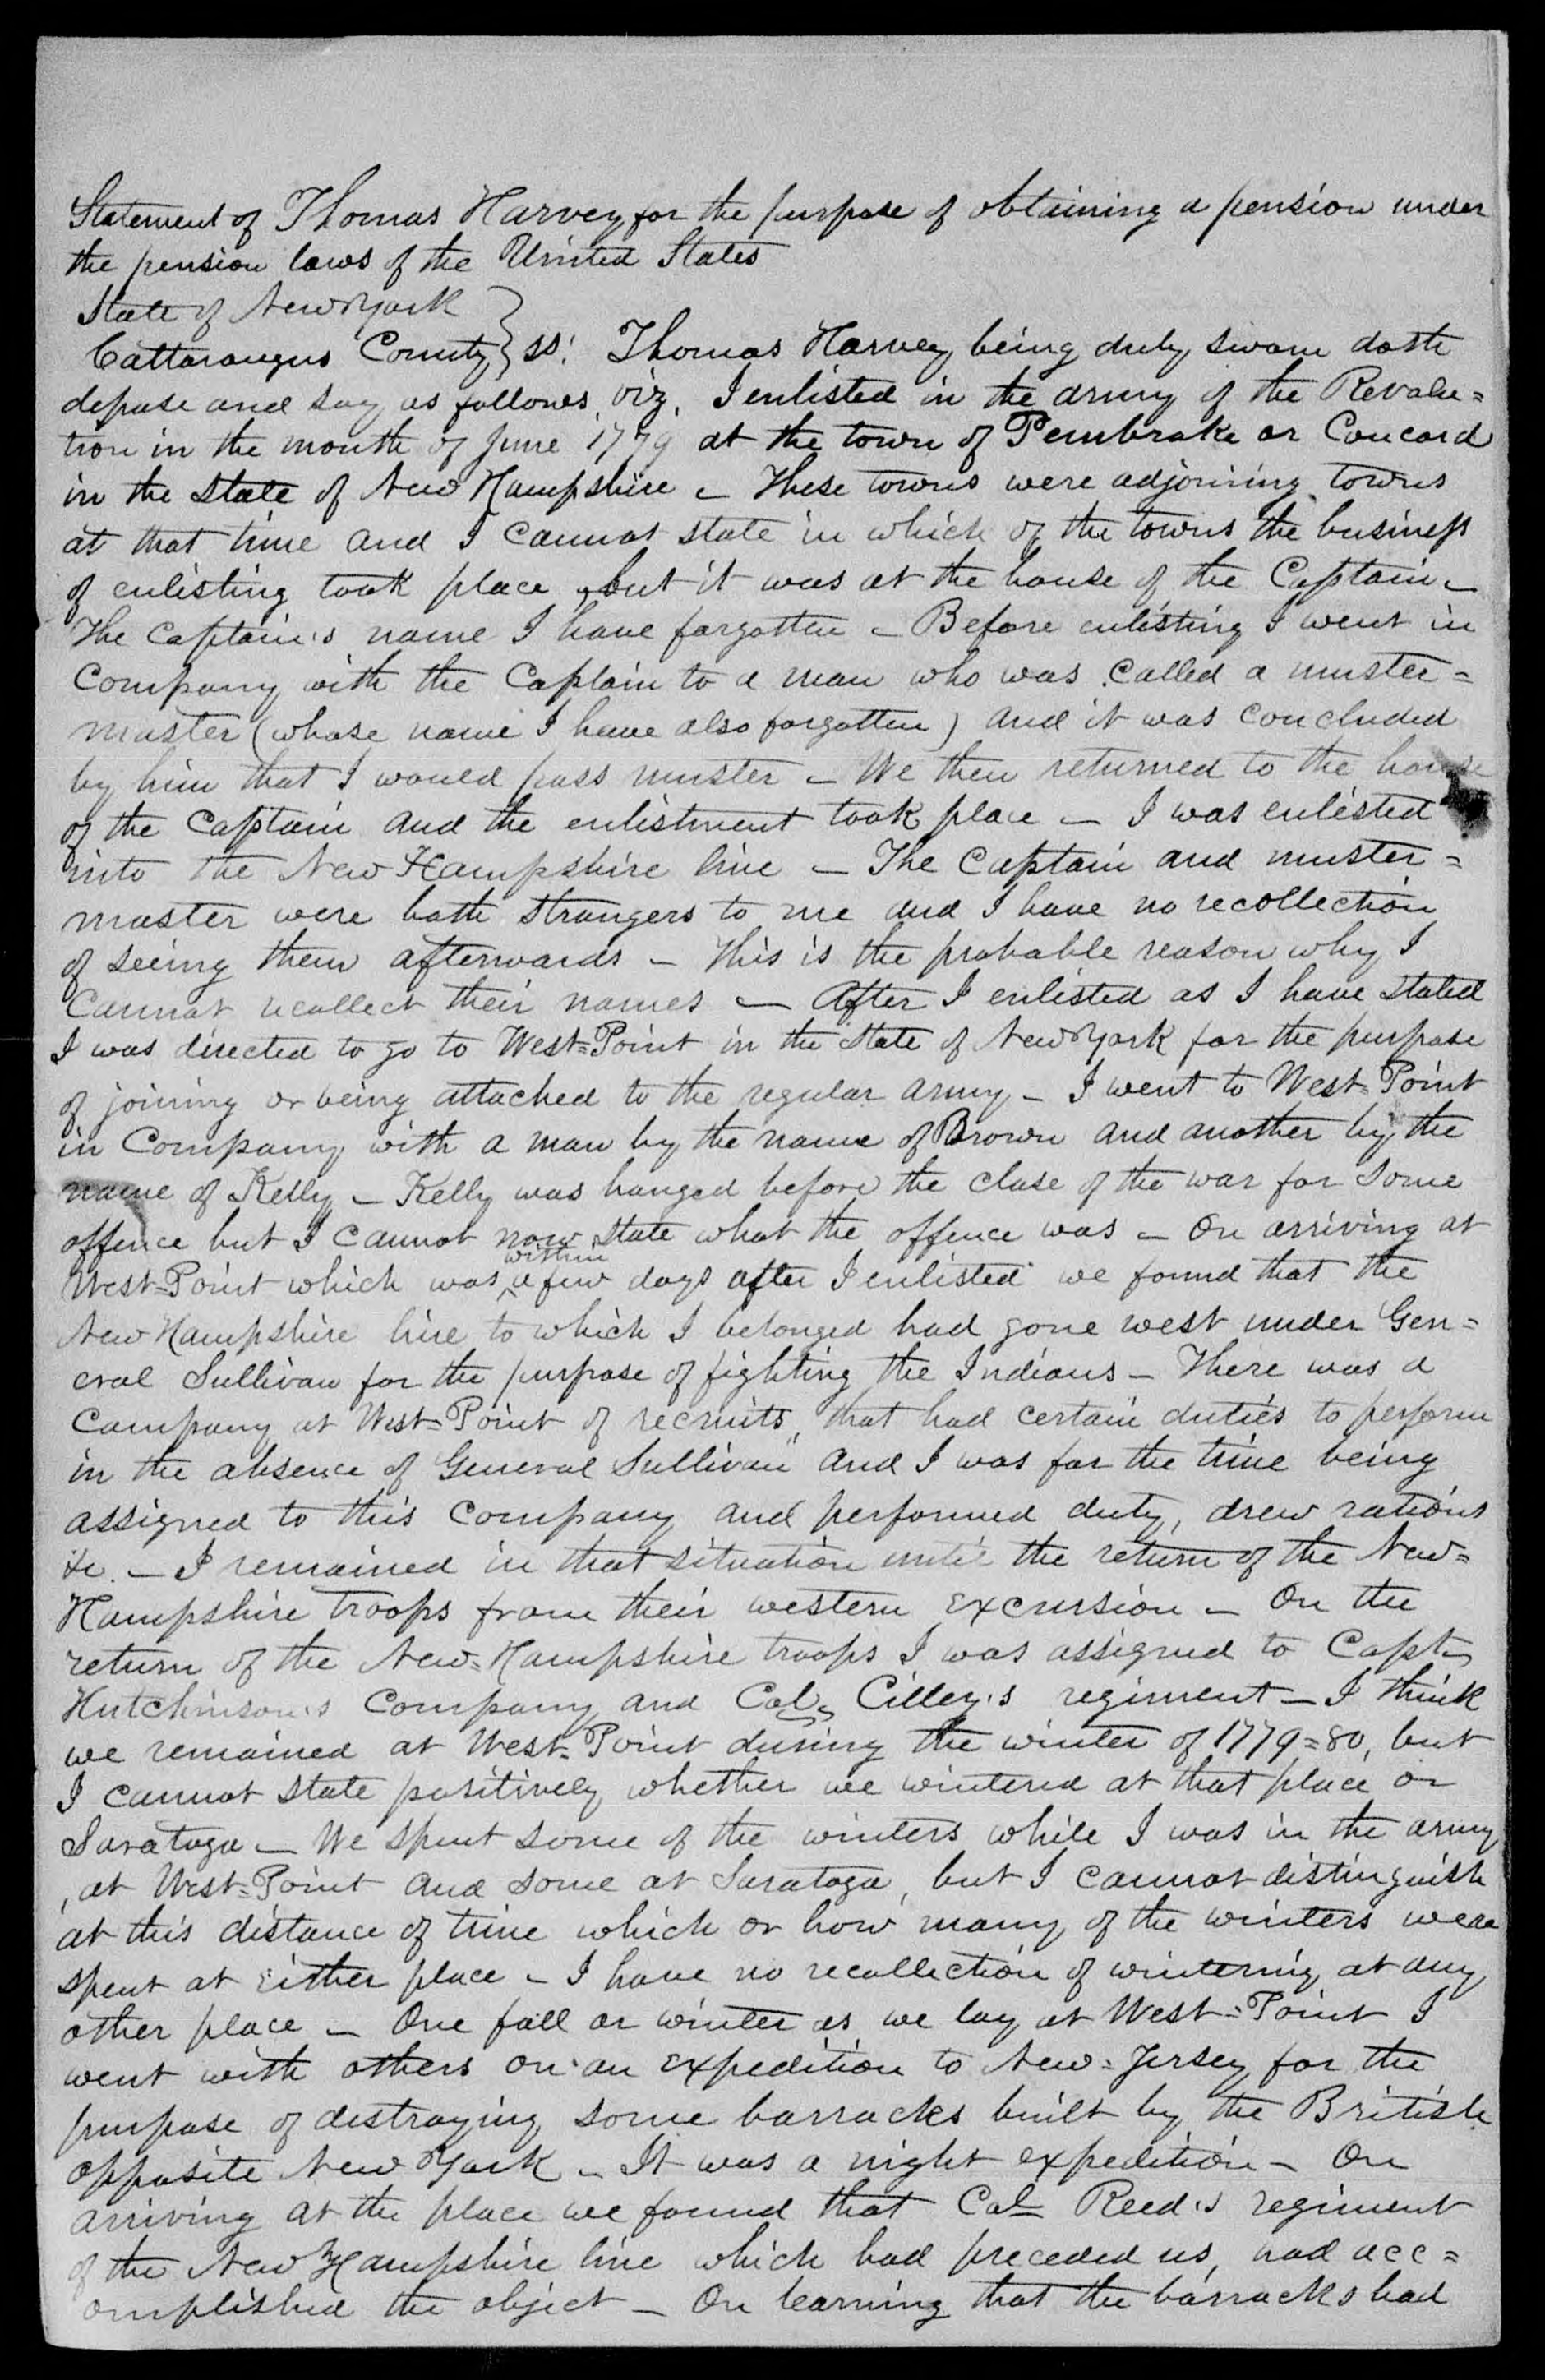Statement of Thomas Harvey for the purpose of obtaining a pension under the pension laws of the United States
State of New York
Cattaraugus County} ss: Thomas Harvey being duly sworn doth depose and say as follows, viz, I enlisted in the army of the Revolution in the month of June 1779 at the town of Pembroke or Concord in the State of New Hampshire - These towns were adjoining towns at that time and I cannot state in which of the towns the business of enlisting took place, but it was at the house of the Captain - 
The Captain's name I have forgotten - Before enlisting I went in company with the Captain to a man who was called a muster-master (whose name I have also forgotten) and it was concluded by him that I would pass muster - We then returned to the house of the Captain and the enlistment took place - I was enlisted into the New Hampshire line - The Captain and muster-master were both strangers to me and I have no recollection of seeing them afterwards - This is the probable  reason why I cannot recollect their names - After I enlisted as I have stated I was directed to go to West Point in the State of New York for the purpose of joining or being attached to the regular Army - I went to West Point in Company with a man by the name of Brown and another by the name of Kelly - Kelly was hanged before the close of the war for some offence but I cannot now state what the offence was - On arriving at West Point which was within a few days after I enlisted we found that the New Hampshire line to which I belonged had gone west under General Sullivan for the purpose of fighting the Indians - There was a company at West Point of recruits that had certain duties to perform in the absence of General Sullivan and I was for the time being assigned to this company and performed duty, drew rations &c. - I remained in that situation until the return of the New-Hampshire troops from their western excursion - On the return of the New Hampshire troops I was assigned to Capt. Hutchinson's Company and Col Cilley's regiment - I think we remained at West Point during the winter of 1779=80, but I cannot state positively whether we wintered at that place or Saratoga - We spent some of the winters while I was in the army at West Point and some at Saratoga, but I cannot distinguish at this distance of time which or how many of the winters were spent at either  place - I have no recollection of wintering at any other place - One fall or winter as we lay at West Point I went with others on an expedition to New Jersey for the purpose of destroying some barracks built by the British opposite New York - It was a night expedition - On arriving at the place we found that Col. Reed's regiment of the New Hampshire line which had preceded us, had accomplished the object - On learning that the barracks had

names: Sullivan, Kelly, Thomas Harvey, Thomas Harvey, Kelly, Sullivan, Brown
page: 67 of 80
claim: survivor's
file: S. 18008, Thomas Harvey, N.H.